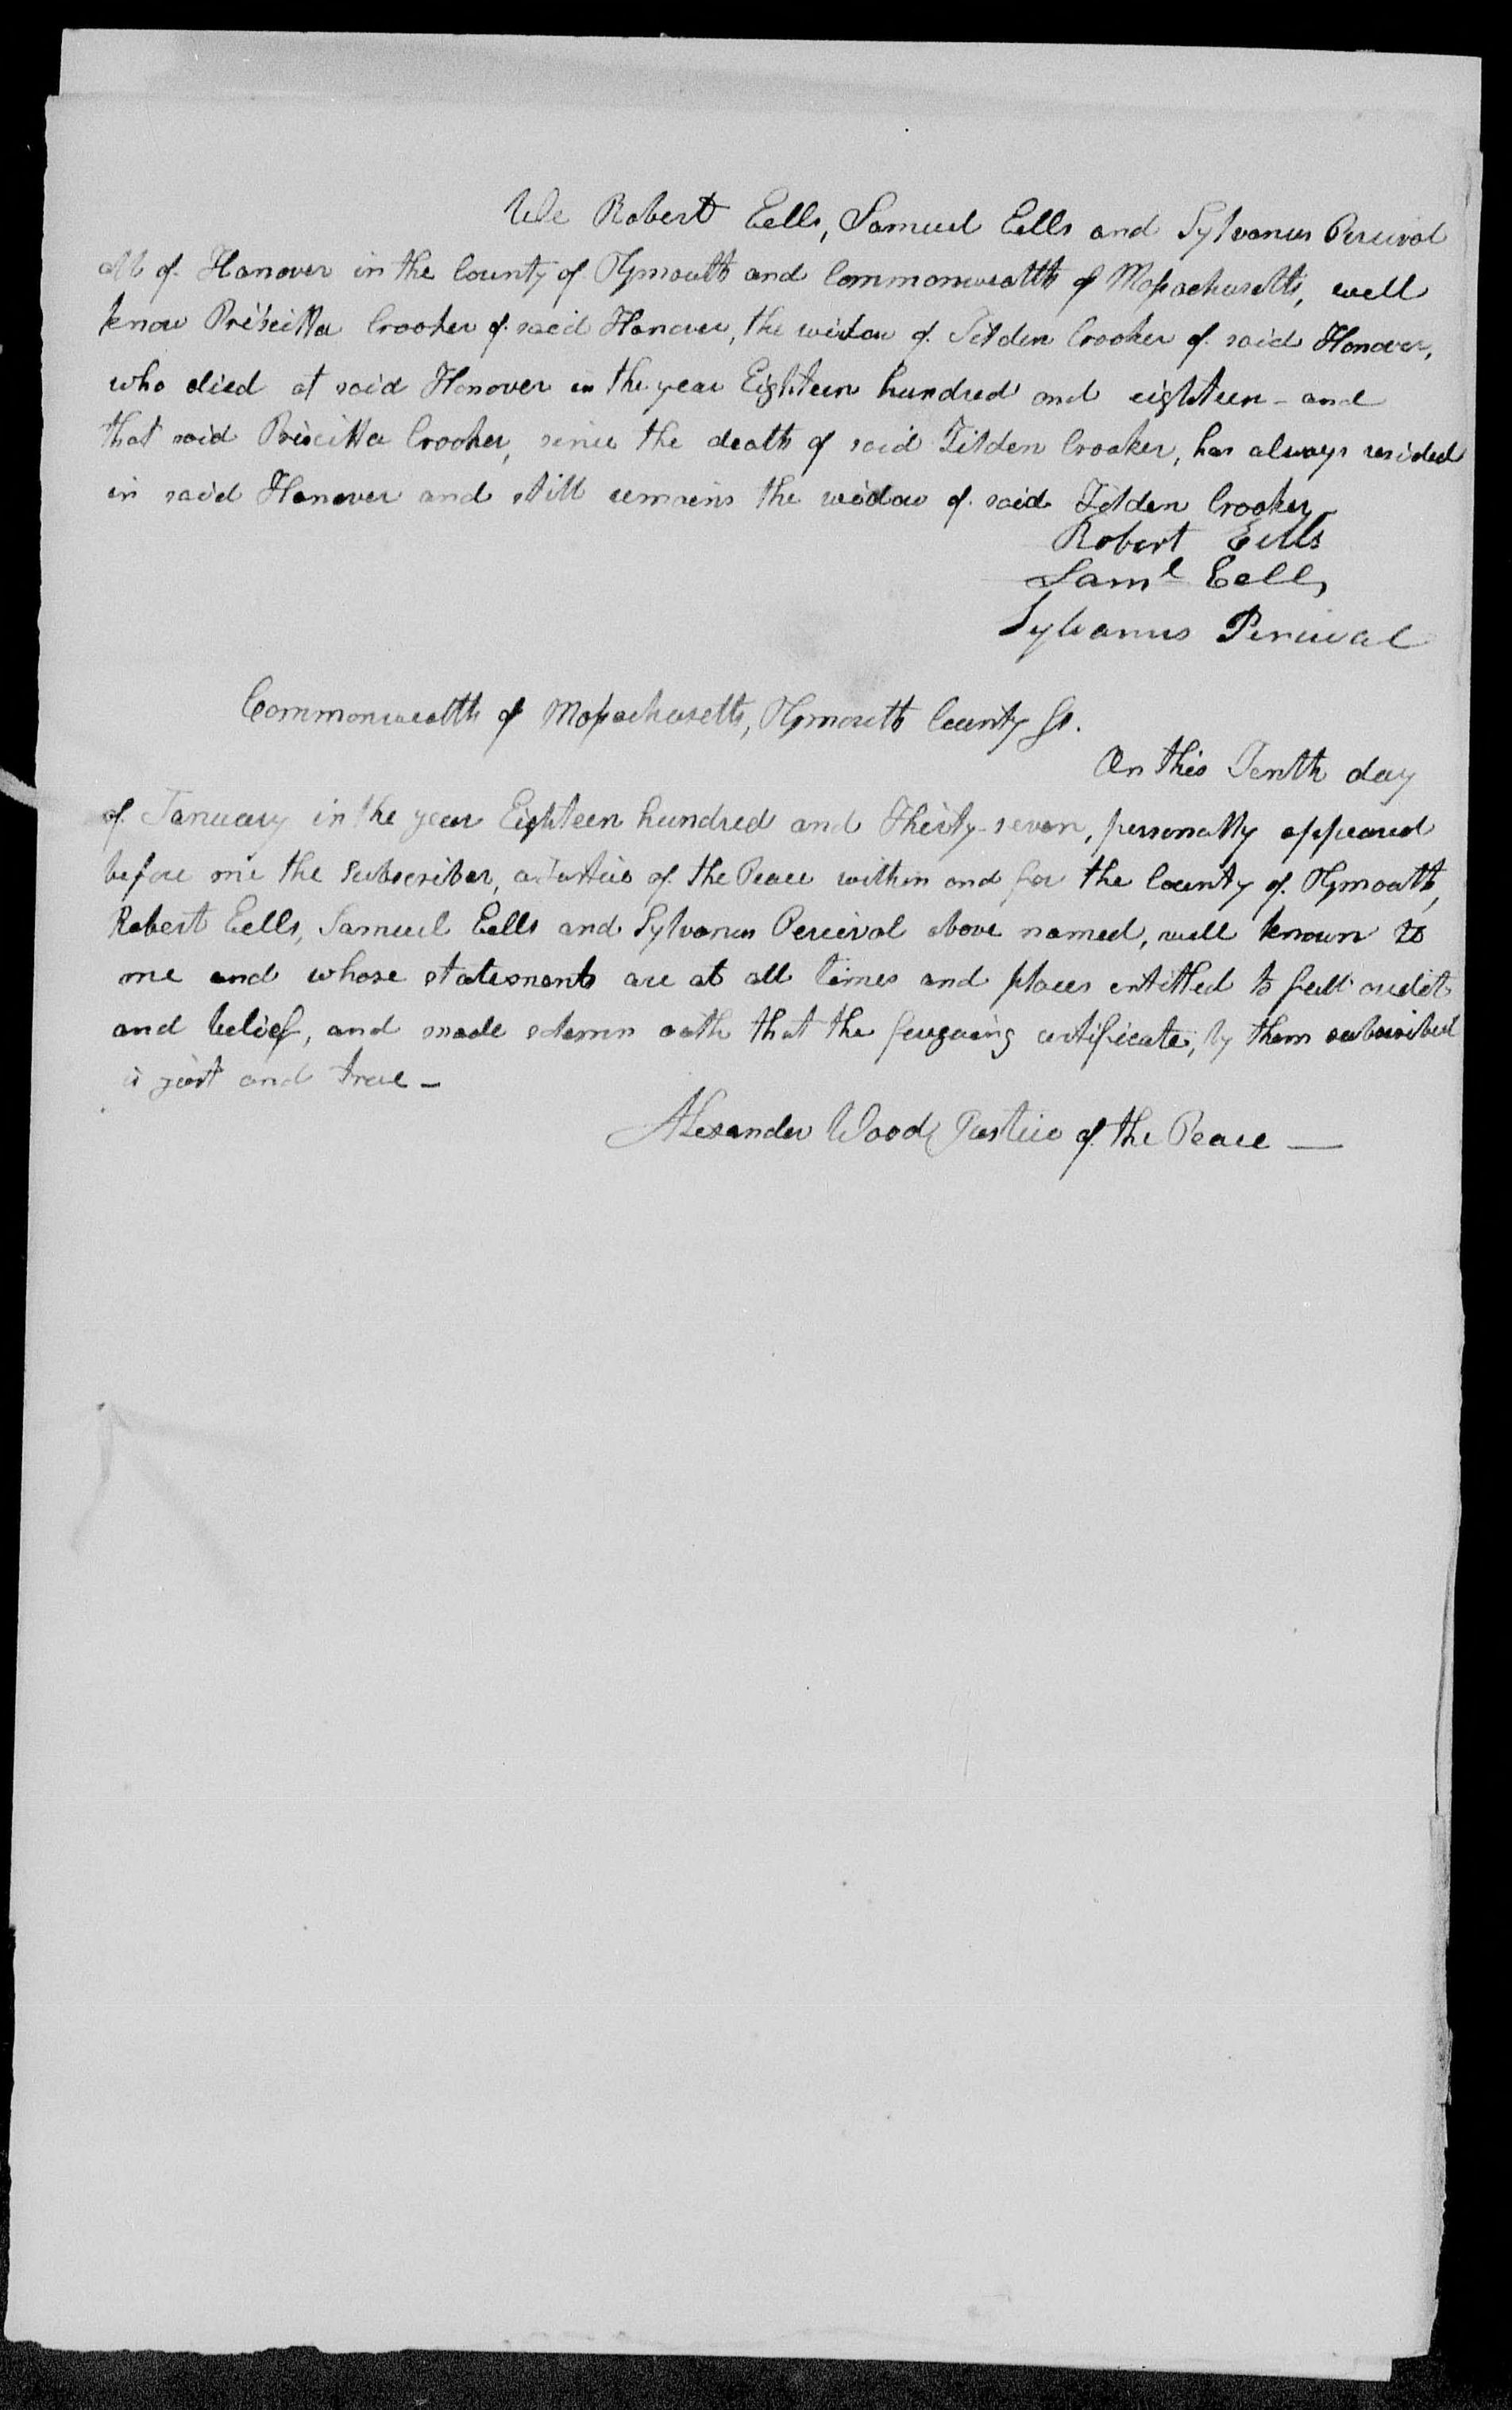We Robert Eells, Samuel Eells and Sylvanus Percival all of Hanover in the County of Plymouth and Commonwealth know Priscilla Crooker of said Hanover, the widow of Tilden Crooker of said Hanover, who died at said Hanover in the year Eighteen hundred and eighteen - and that said Priscilla Crooker, since the death of said Tilden Crooker, has always resided in said Hanover and still remains the widow of said Tilden Crooker.

Robert Eells
Samuel Eels
Sylvanus Percival

Commonwealth of Massachusetts, Plymouth County ss.

On this tenth day of January in the year Eighteen hundred and Thirty seven, personally appeared before me the subscriber, a Justice of the Peace, within and for the County of Plymouth, Robert Eells, Samuel Eells, and Sylvanus Percival above named, well known to me and whose statements are at all times and places entitled to full credit and belief, and made solemn oath that the foregoing certificate by them subscribed is just and true.

Alexander Wood
Justice of the Peace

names: Sylvanus Percival, Sylvanus Percival, Tilden Crooker, Tilden Crooker, Saml Eells, Robert Eells, Samuel Eells, Robert Eells, Samuel Eells, Tilden Crooker, Robert Eells, Priscilla Crooker, Sylvanus Percival, Alexander Wood, Priscilla Crooker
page: 27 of 33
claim: widow's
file: W. 22862, Tilden Crooker, Mass Navy